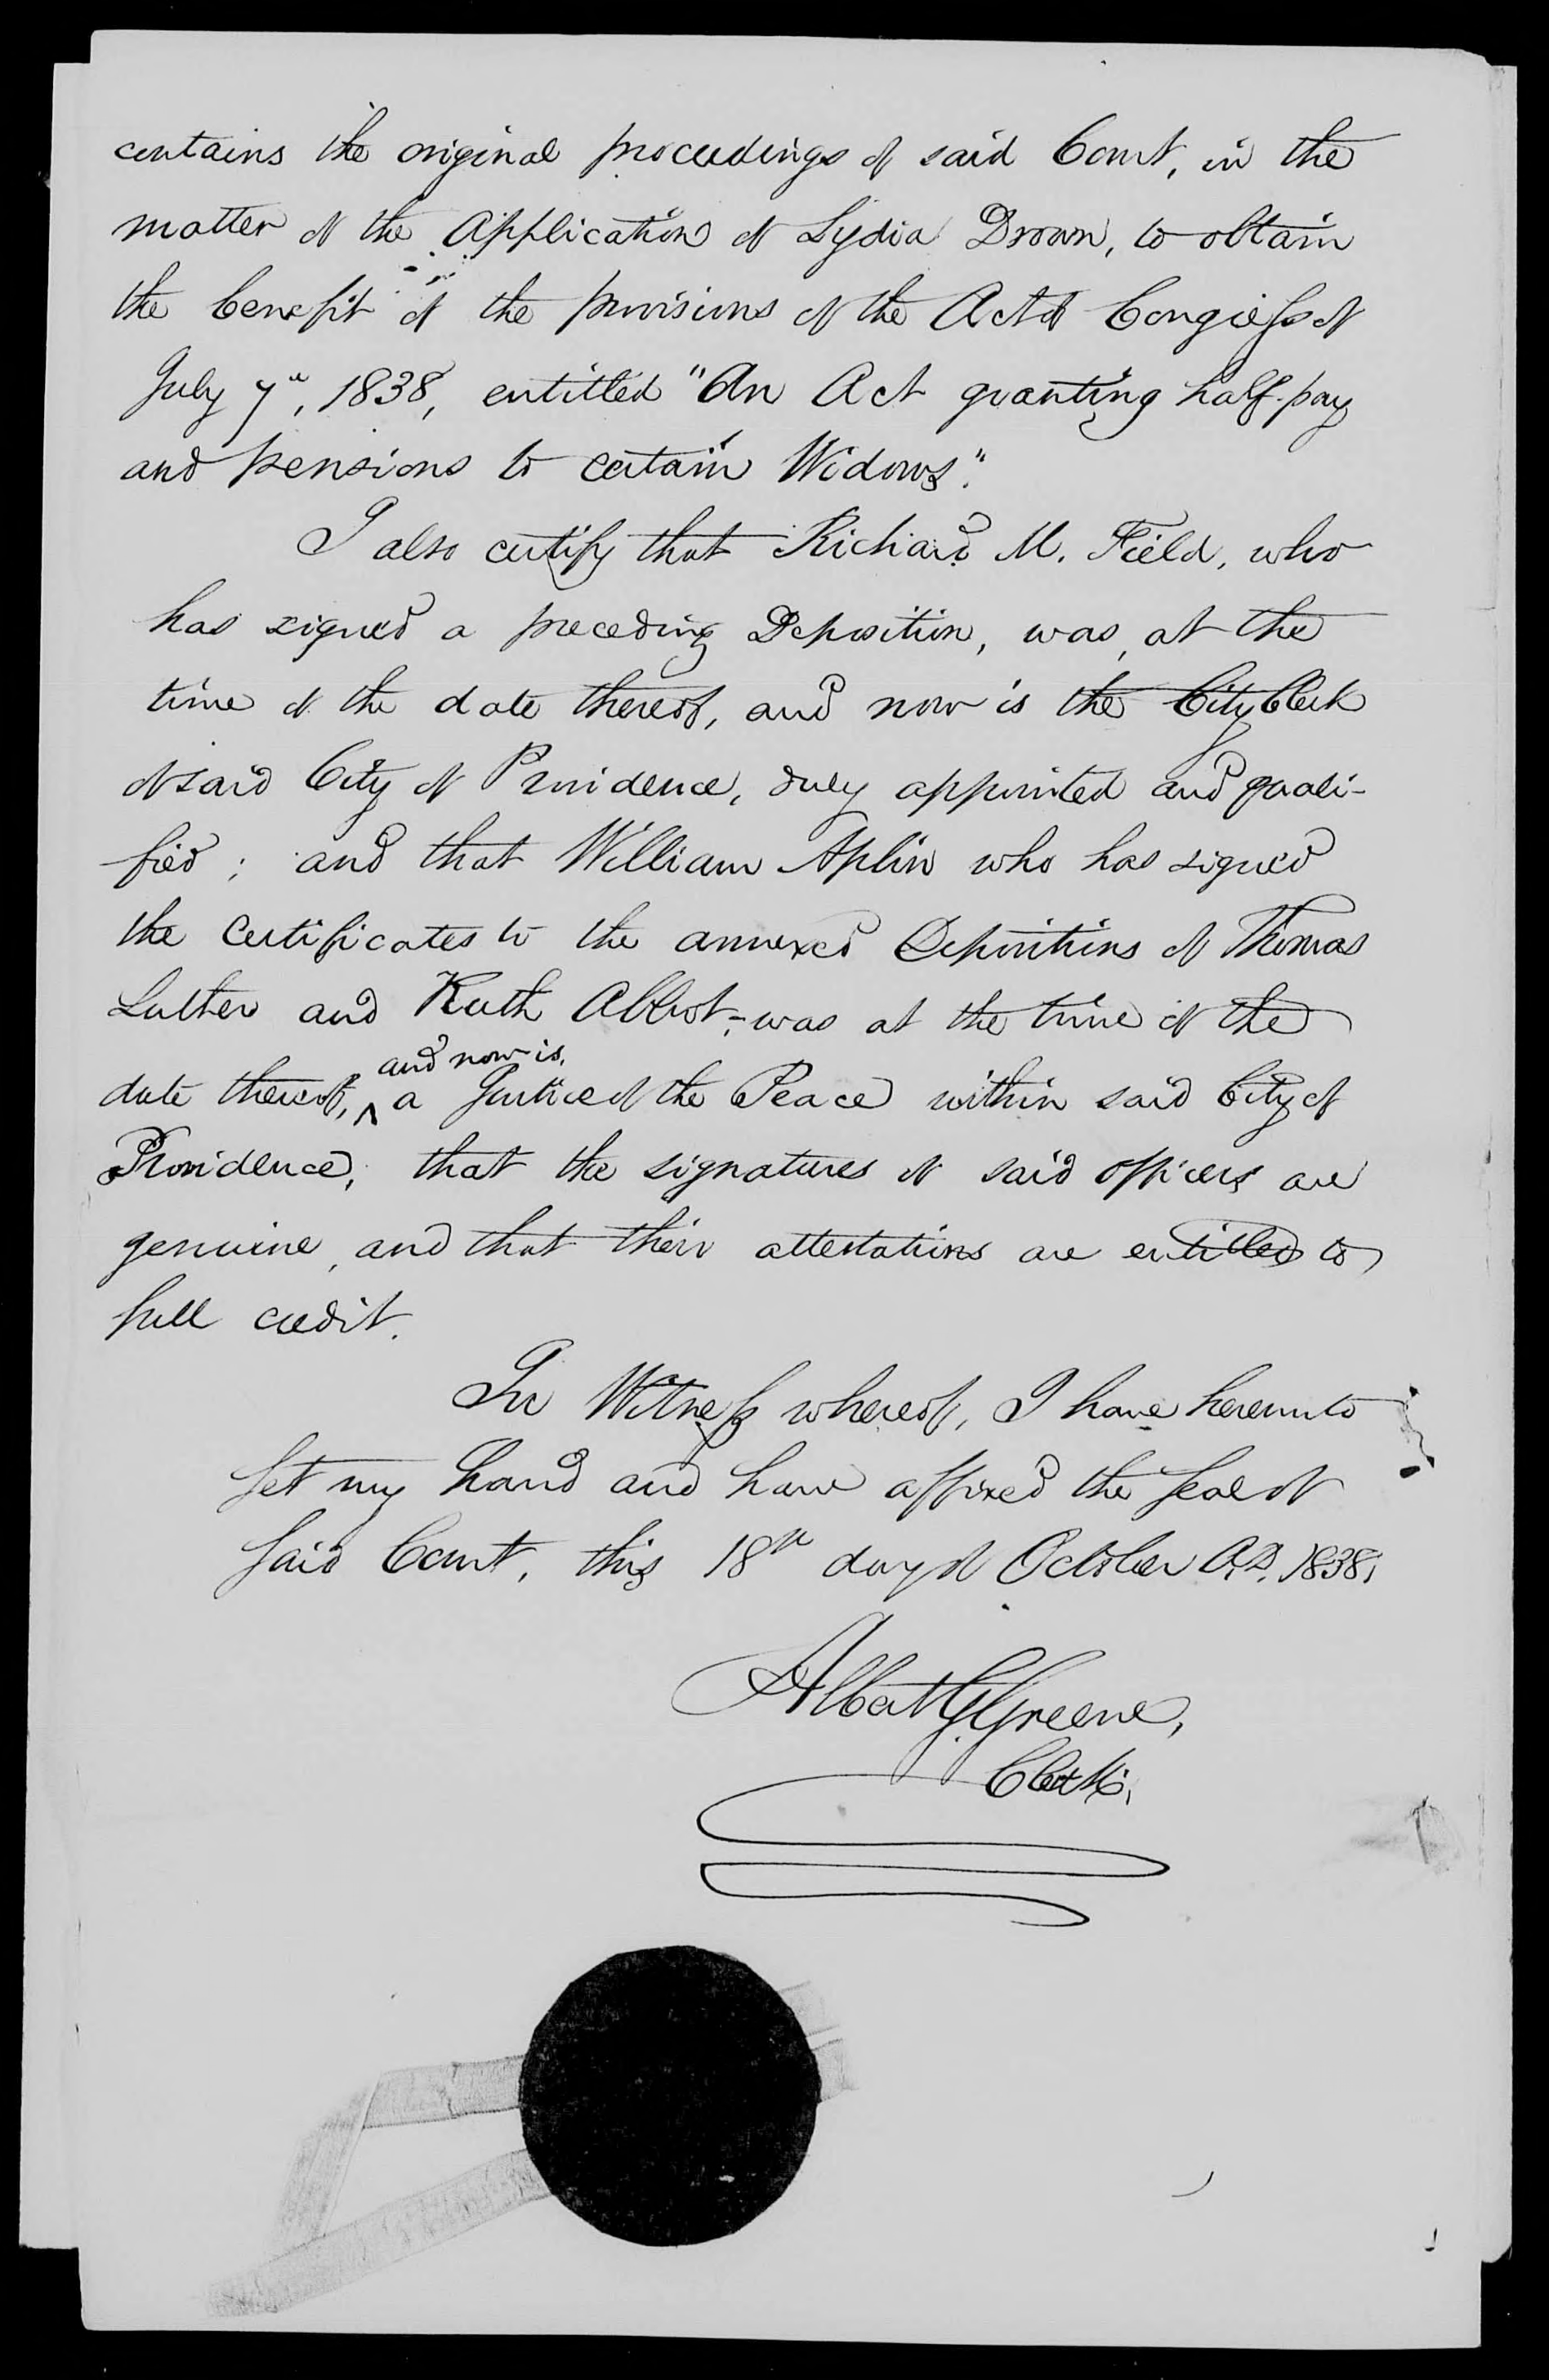contains the original proceedings of said Court, in the matter of the application of Lydia Drown, to obtain the benefit of the provisions of the Act Congress of July 7th, 1838, entitled "An Act granting half pay and pensions to certain Widows."

I also certify that Richard M. Field, who
has signed a preceding Deposition, was at the
time of the date thereof, and now is the City Clerk
of said City of Providence, duly appointed and qualified: and that William Aplin who has signed
the certificates to the annexed Depositions of Thomas Luther and Ruth Abbot, - was at the time of date thereof, and now is a Justice of the Peace within said City of Providence, that the signatures of said officers are genuine, and that their attestations are entitled to full credit.

In Witness whereof, I have hereunto set my hand and have affixed the seal of said Court, this 18th
day of October A.D. 1838

Albert G Greene,
Clerk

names: Richard M Field, William Aplin, Thomas Luther, Lydia Drown, Albert G Greene, Ruth Abbot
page: 24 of 31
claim: widow's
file: W 21004, Samuel Drown, R.I.